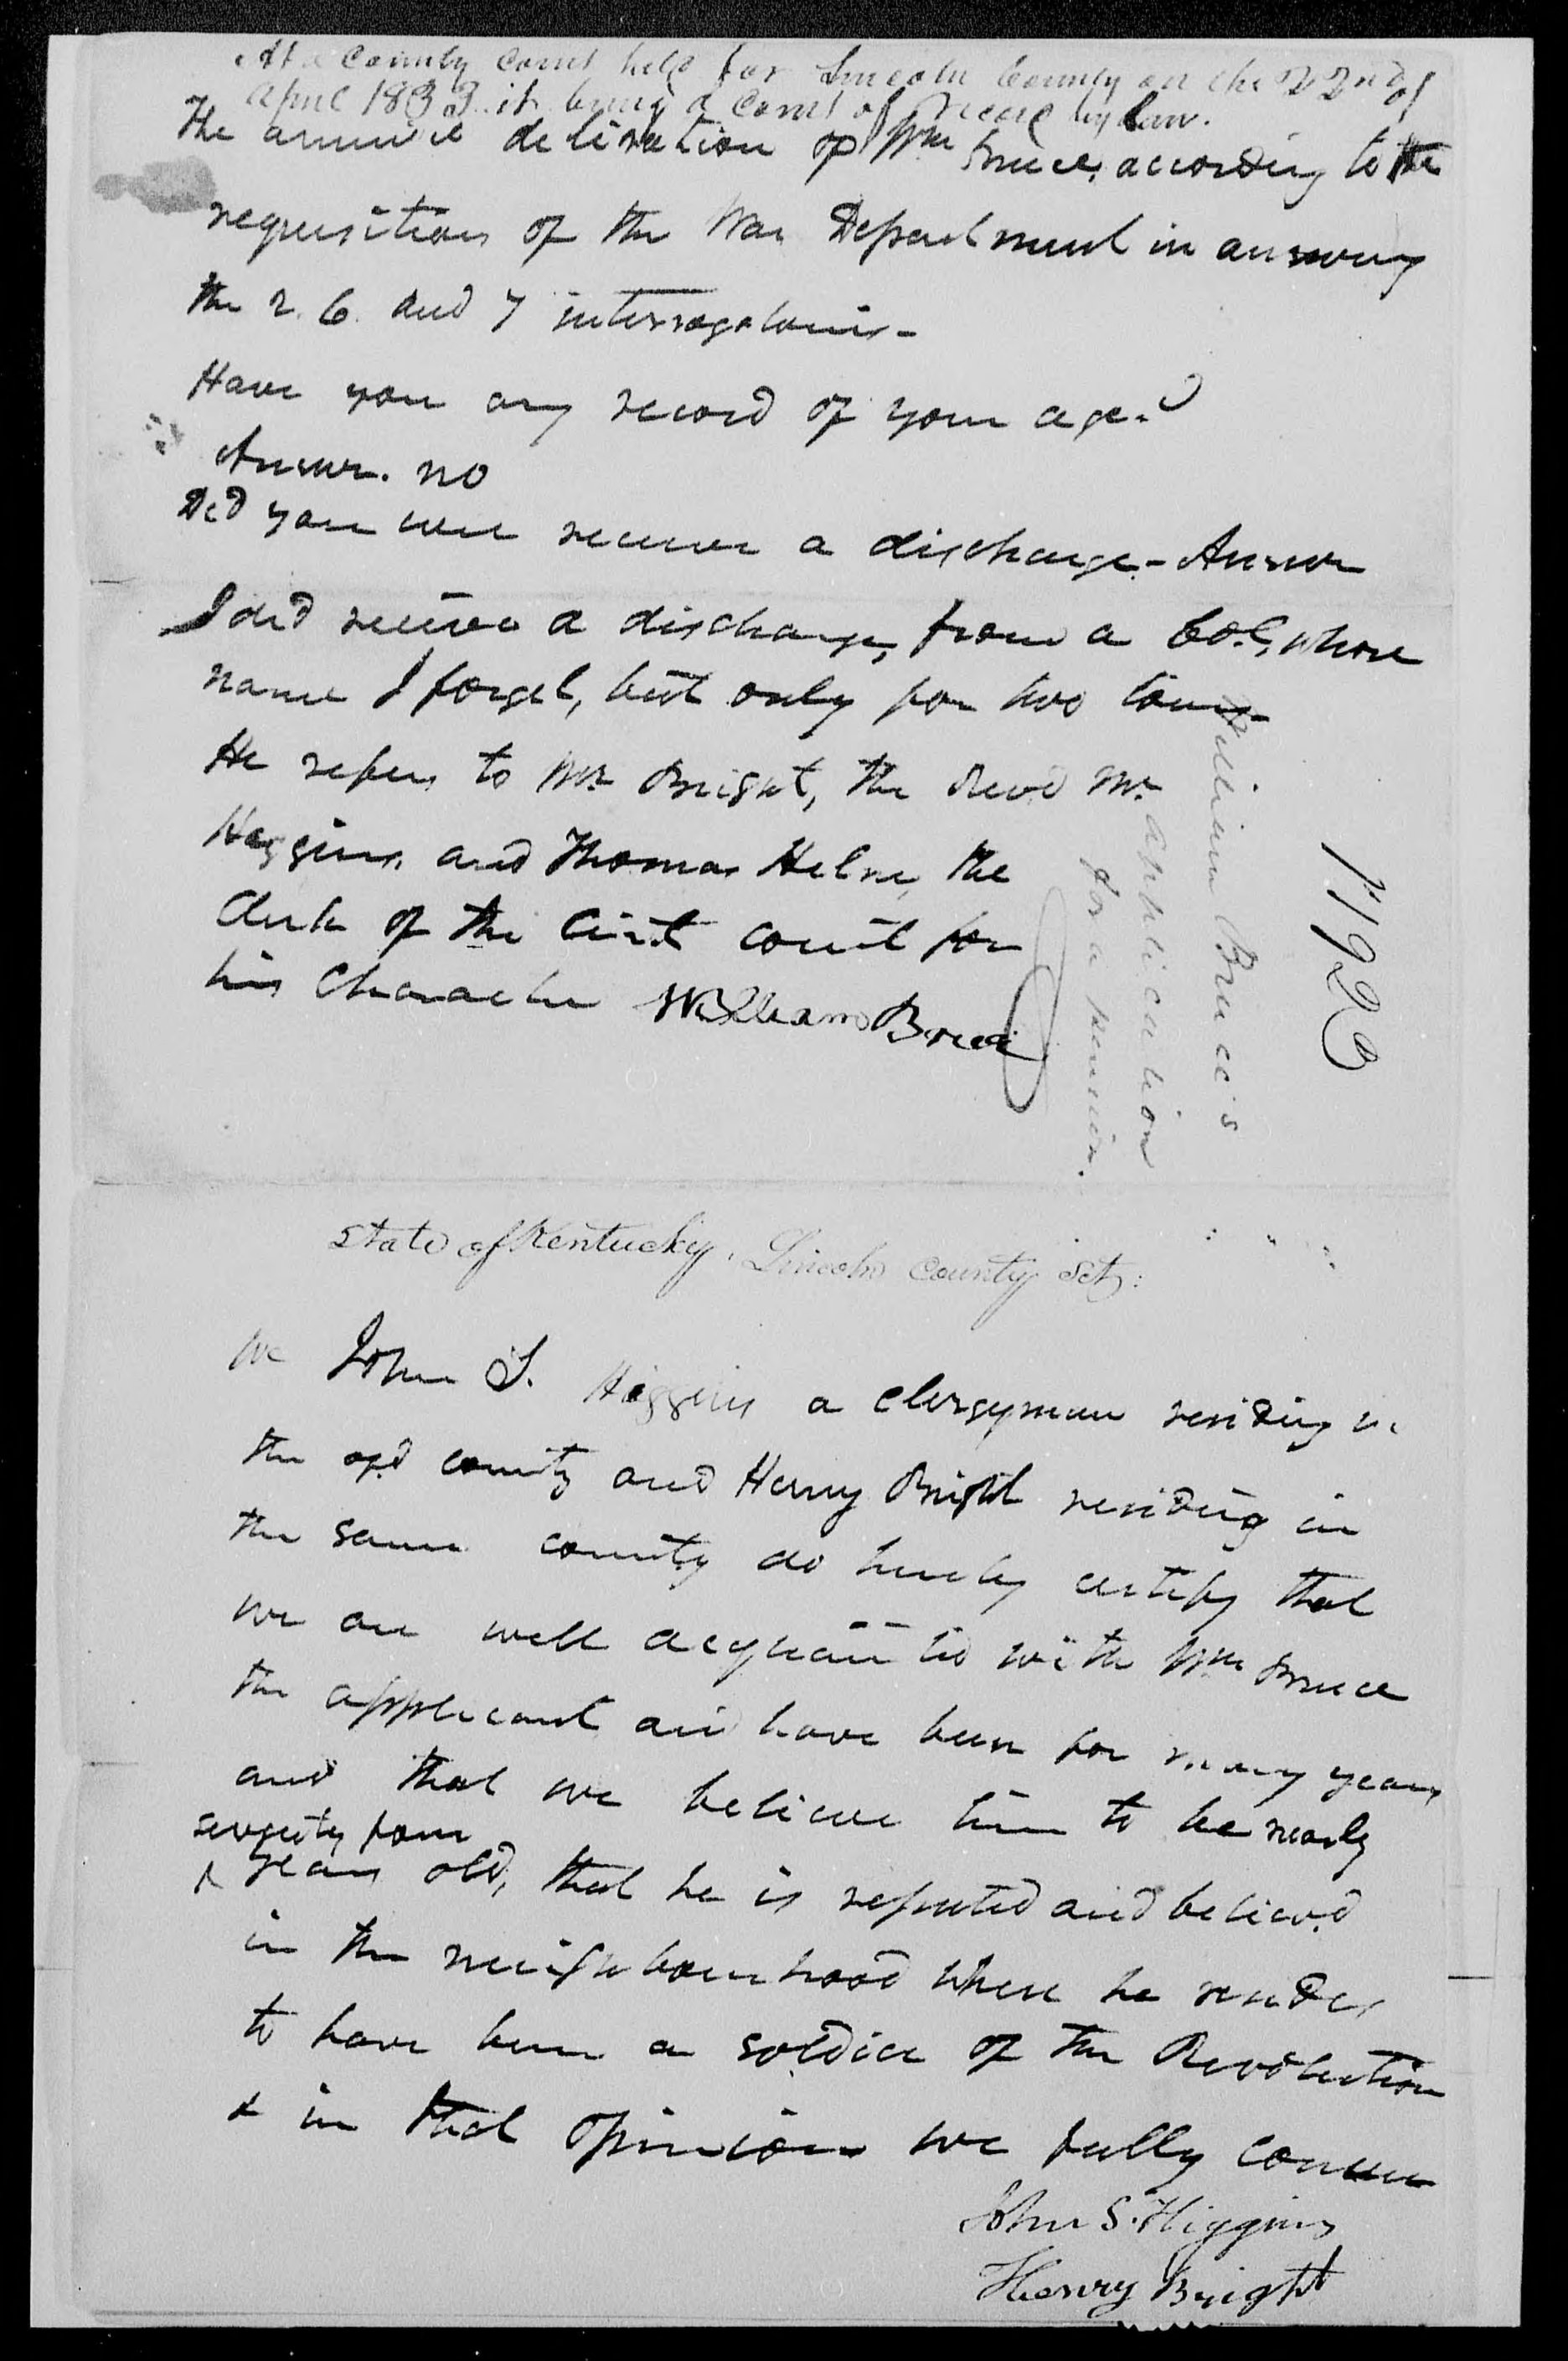At a County Court held for Lincoln County on the 22nd of April 1833…it being a Court of Record by law.
The amended declaration of Wm. Bruce according to the requisition of the War Department in answering the 26 and 7 interrogatories.
Have you any record of your age? 
Answer No 
Did you ever receive a discharge - Answer I did receive a discharge, from Col. whose name I forget, but only for two tours- 
He refers to Mr. Bright, the Revd [Reverend] Mr. Haggins and Thomas Helm the Clerk of the Cirt [Circuit] Court for his Character 
William Bruce 

[written sideways] 11923 William Bruce’s application for a pension

State of Kentucky. Lincoln County Sct: 
We John S. Higgins a clergyman residing in the afd [aforesaid] County and Henry Bright residing in the same county do hereby certify that we are well acquainted with Wm. Bruce the applicant and have been for many years and that we believe him to be nearly seventy four years old that he is reputed and believed in the neighbourhood where he resides to have been a soldier of the Revolution & in that opinion we fully concur. 
John S. Higgins 
Henry Bright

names: John S Higgins, Thomas Helm, Bright, William Bruce, Henry Bright, Haggins, Wm Bruce, John S Higgins, Wm Bruce, William Bruce, Henry Bright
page: 8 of 54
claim: survivor's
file: S. 30287, William Bruce, N.C.